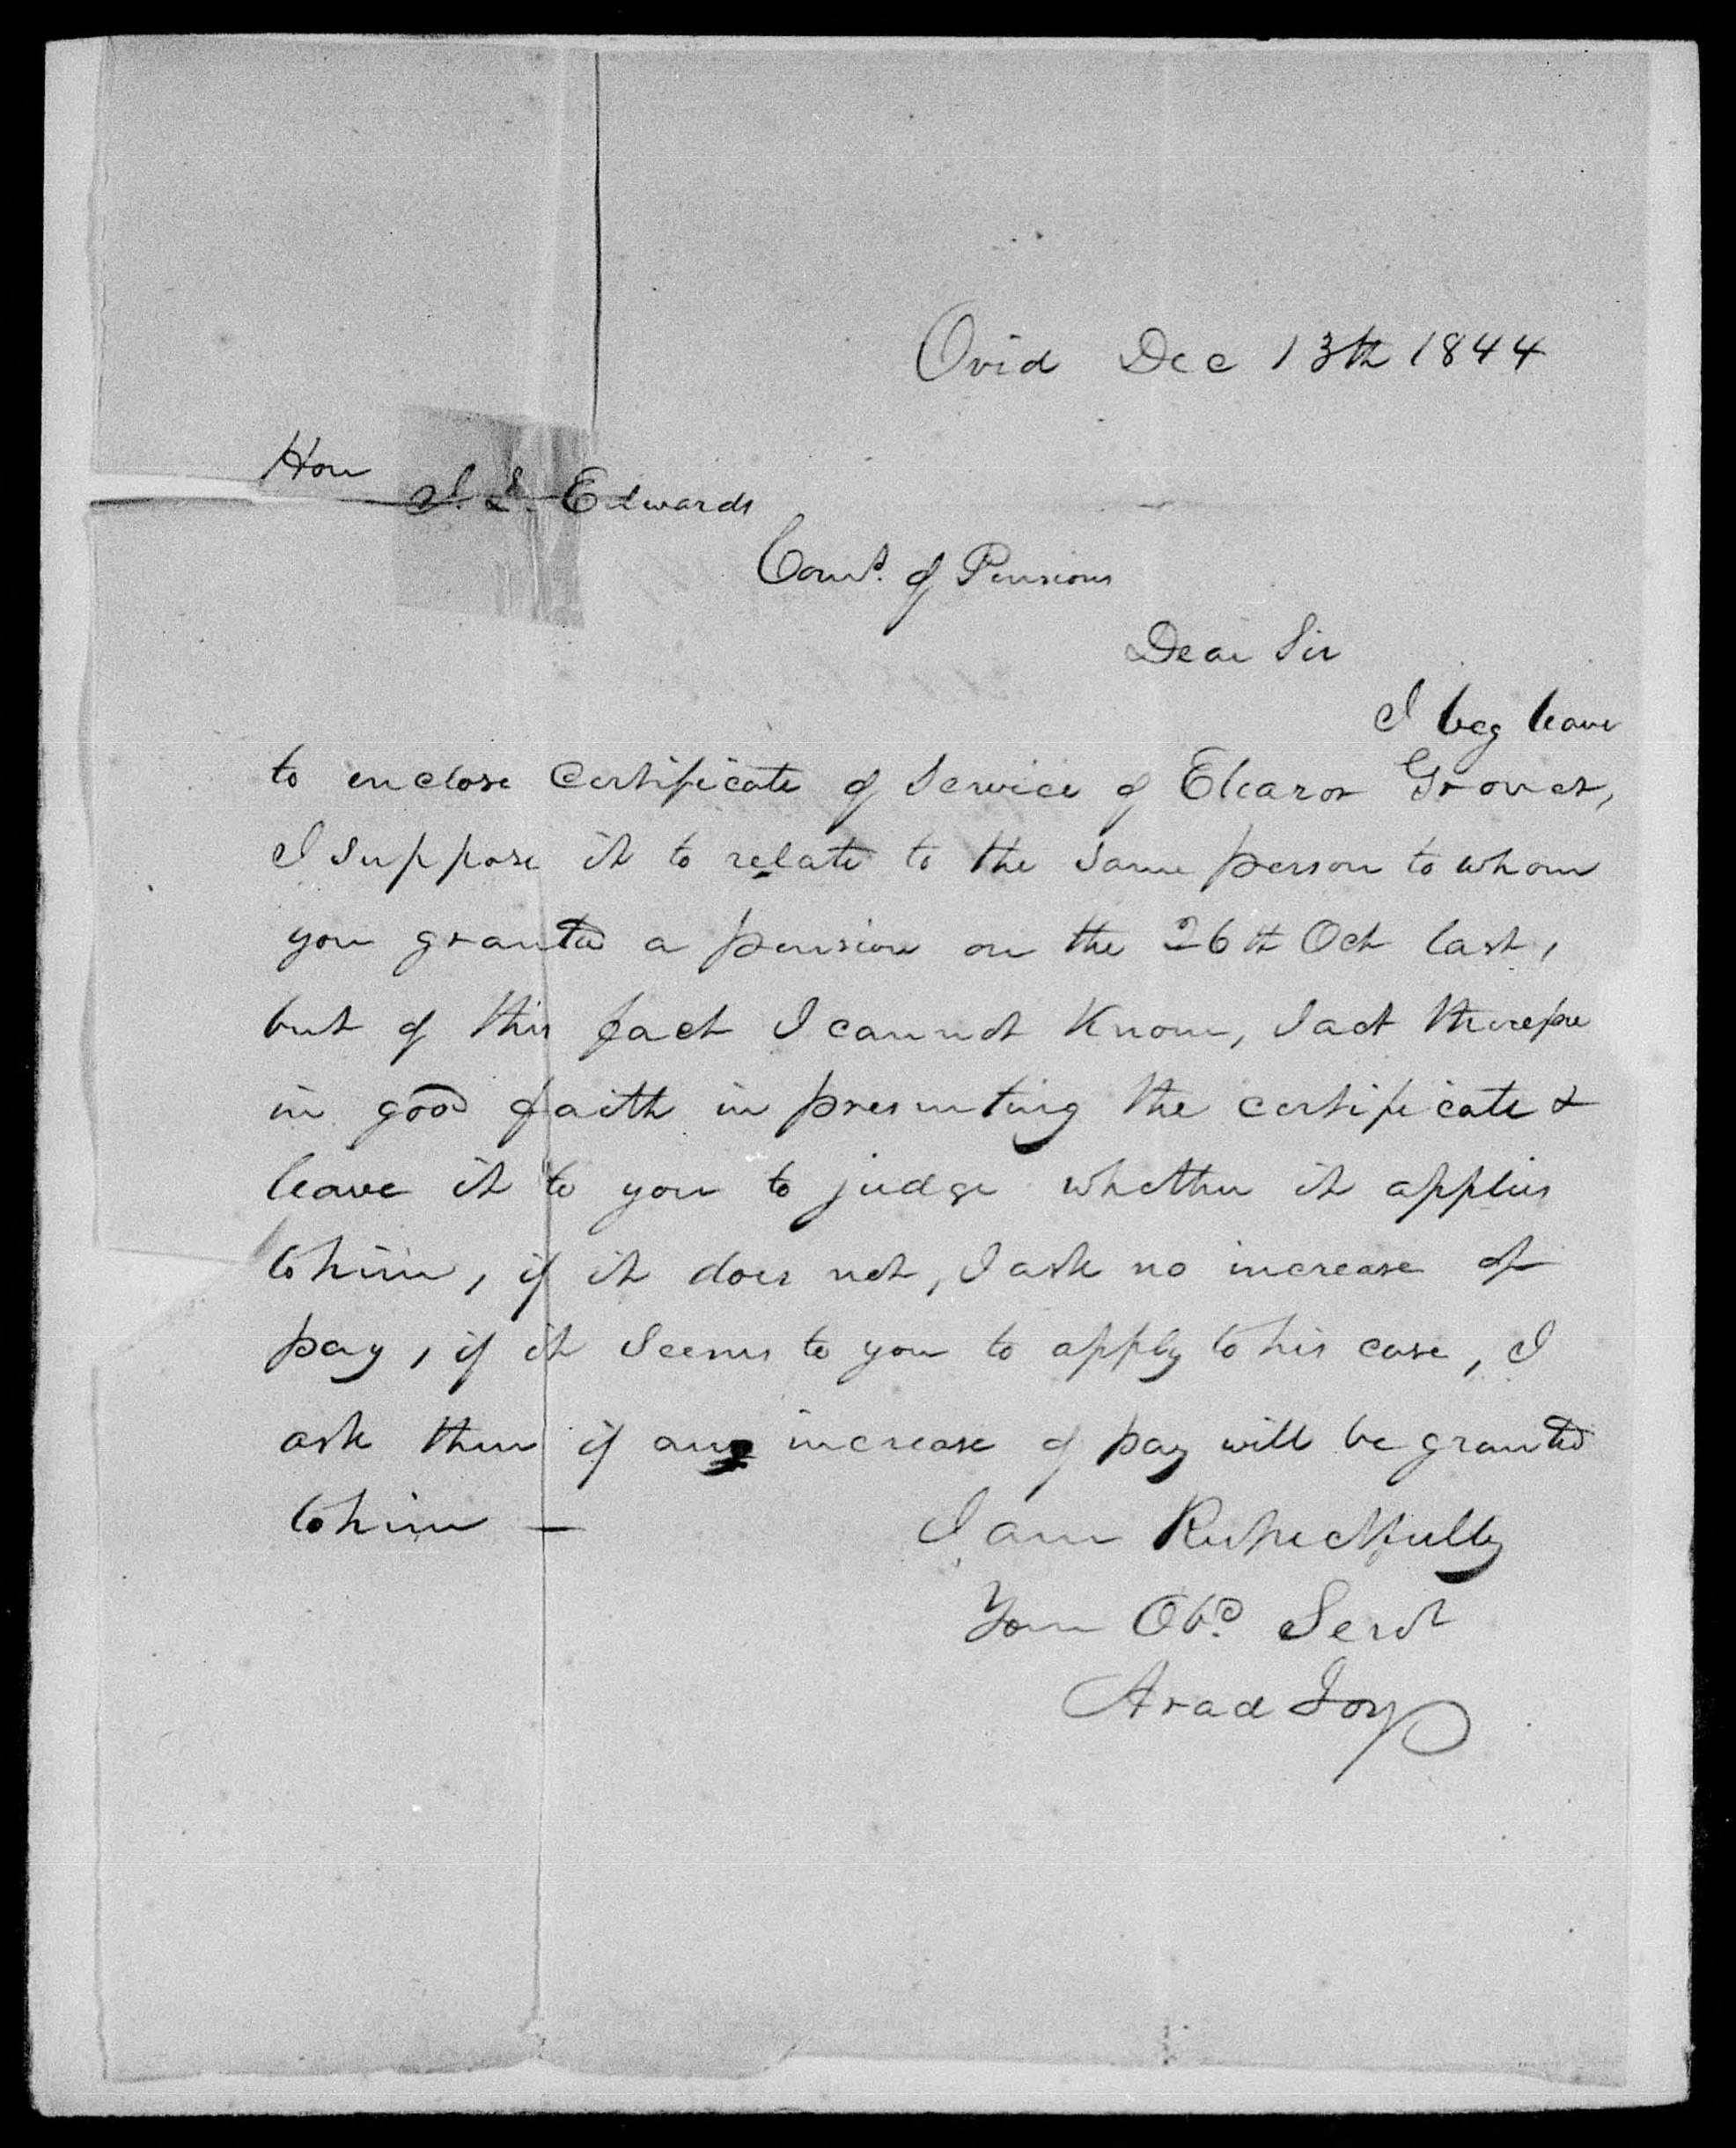[handwritten letter]
Ovid Dec 13th 1844

Hon J. L. Edwards
Com'r of Pensions

Dear Sir
I beg leave to enclose Certificate of Service of Eleazer Grover, I suppose it to relate to the same person to whom you granted a pension on the 26th Oct last, but of this fact I cannot know, I act therefore in good faith in presenting the certificate & leave it to you to judge whether it applies to him, if it does not, I ask no increase of pay, if it seems to you to apply to his case, I ask then if an increase of pay will be granted to him - 
I am Respectfully Your Ob't Serv't
/s/Arad Joy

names: Eleazor Grover, J L Edwards, Arad Joy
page: 28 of 43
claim: survivor's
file: S. 28748, Eleazer Grover, Continental Mass. Vt.